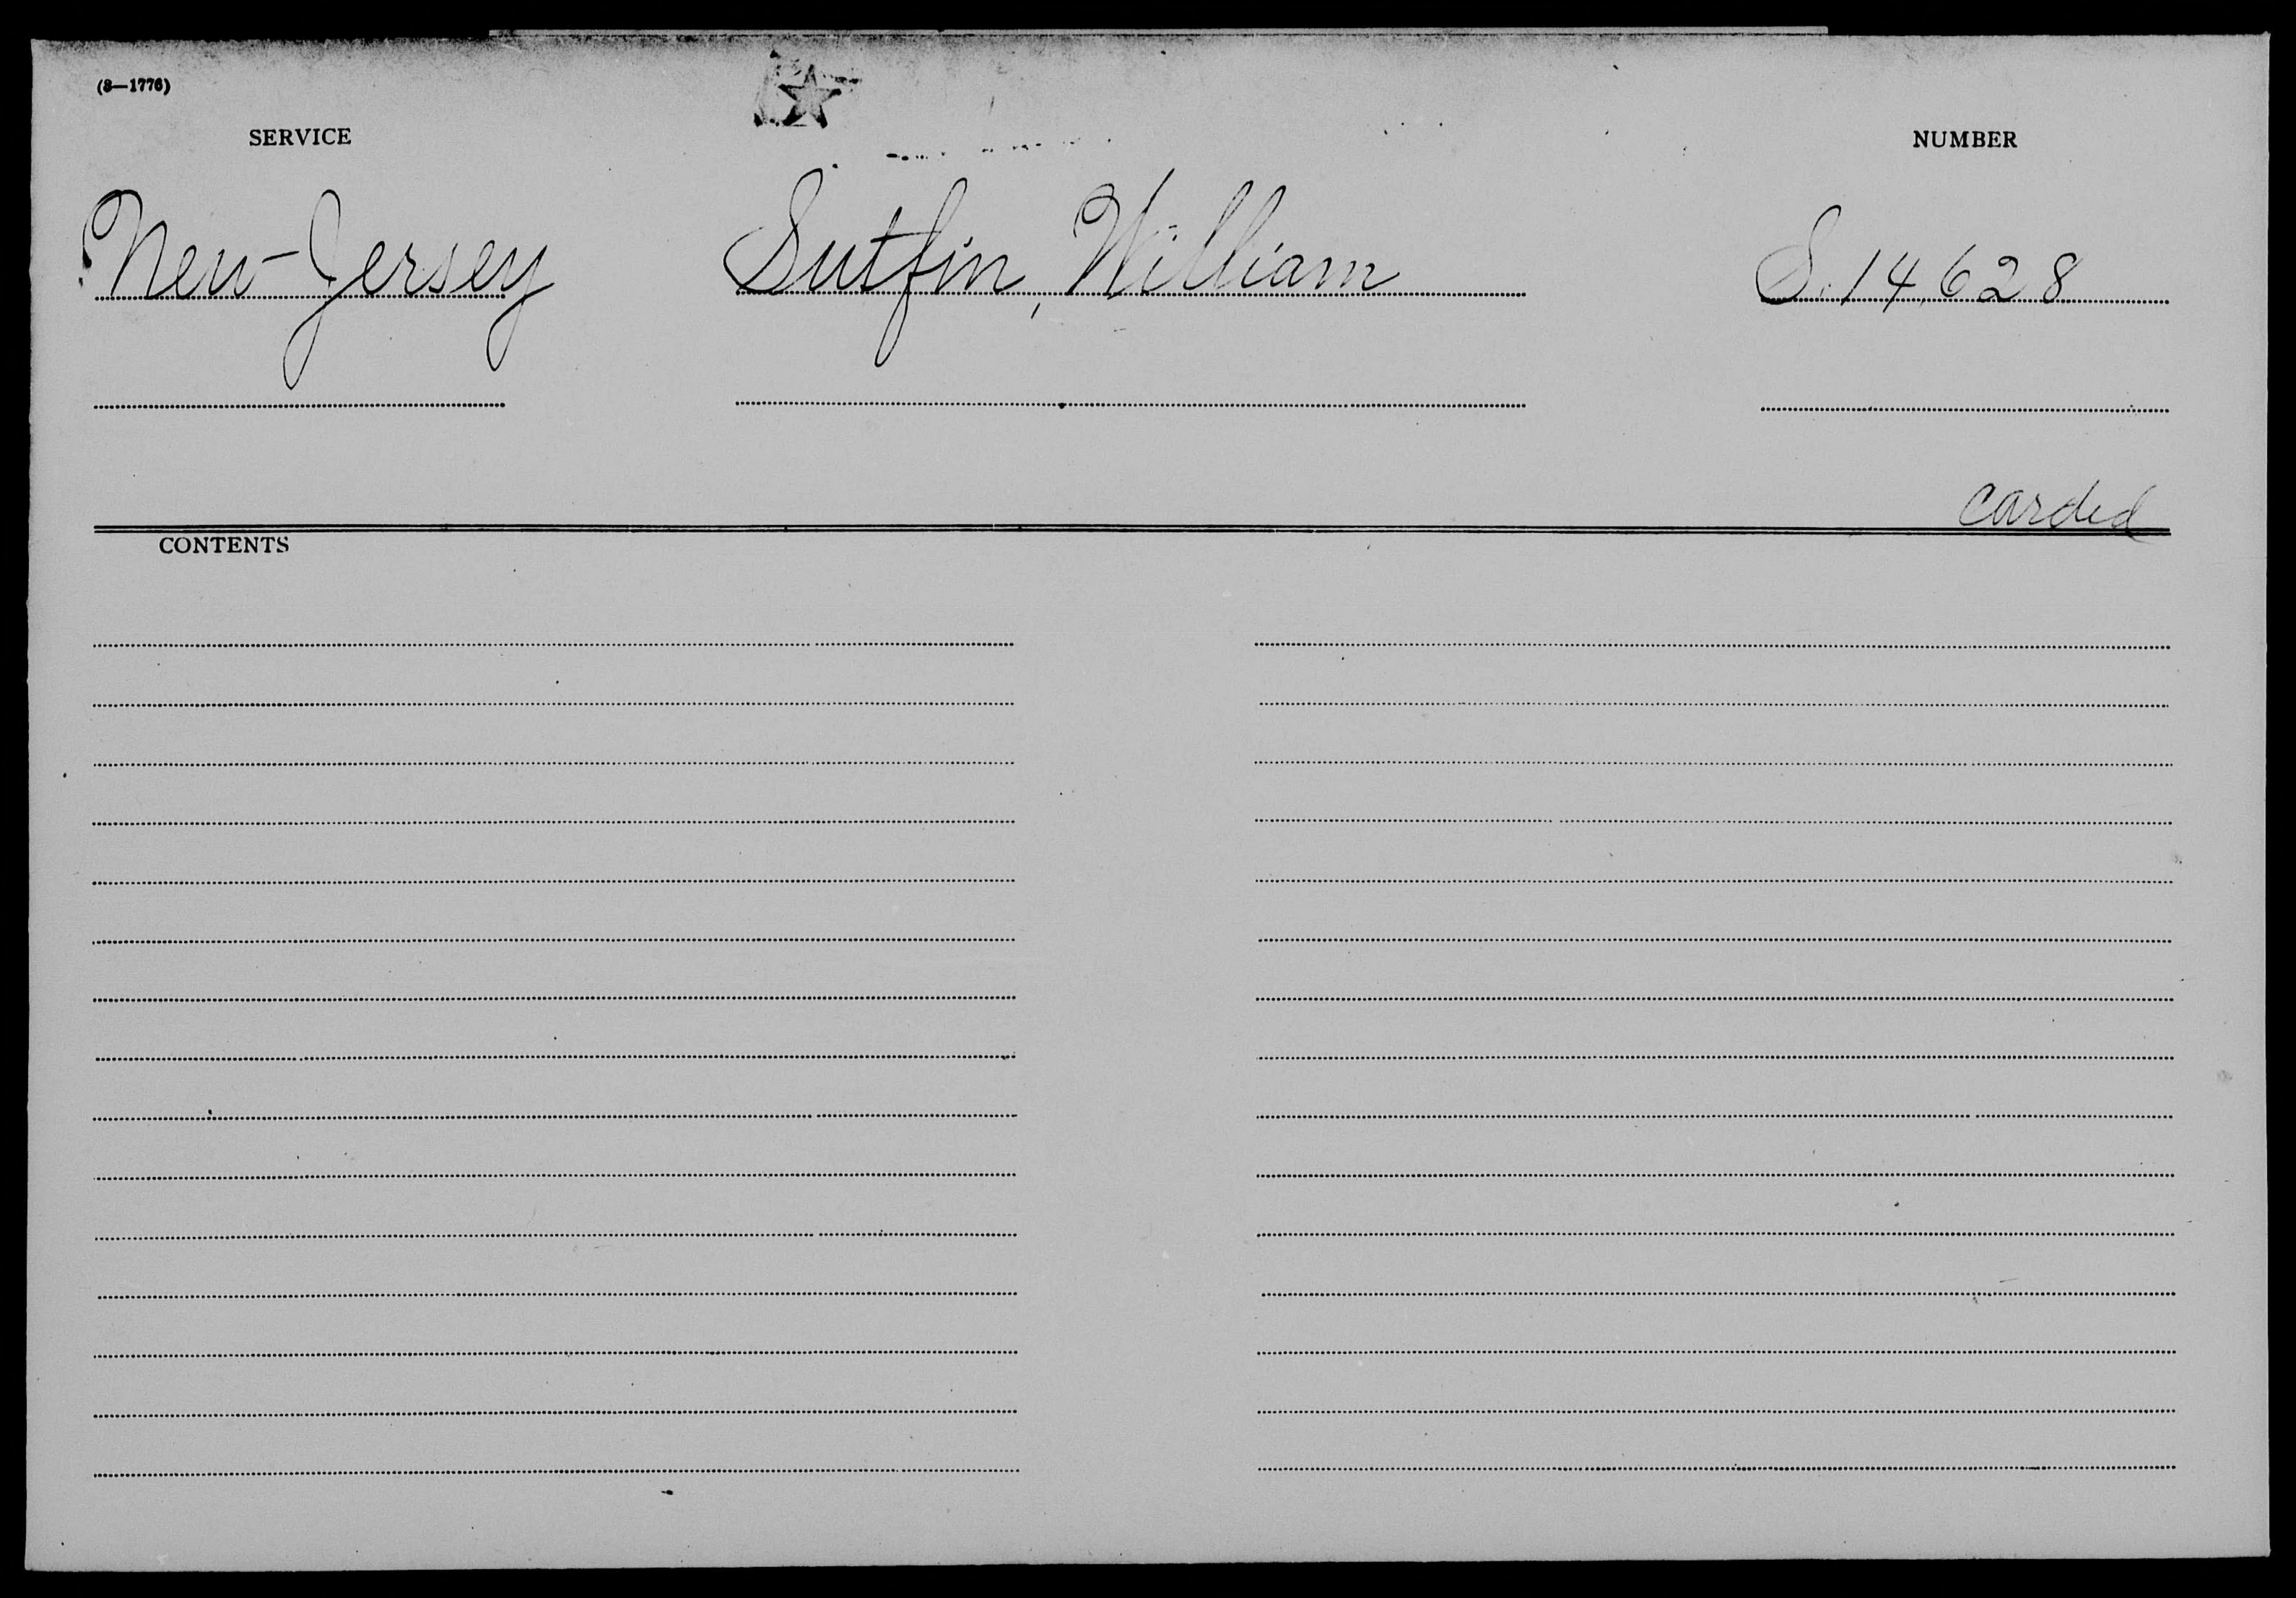New - Jersey
Sutfin , William
S14628
carded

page: 1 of 11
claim: survivor's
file: S. 14628, for William Sutfin, New Jersey